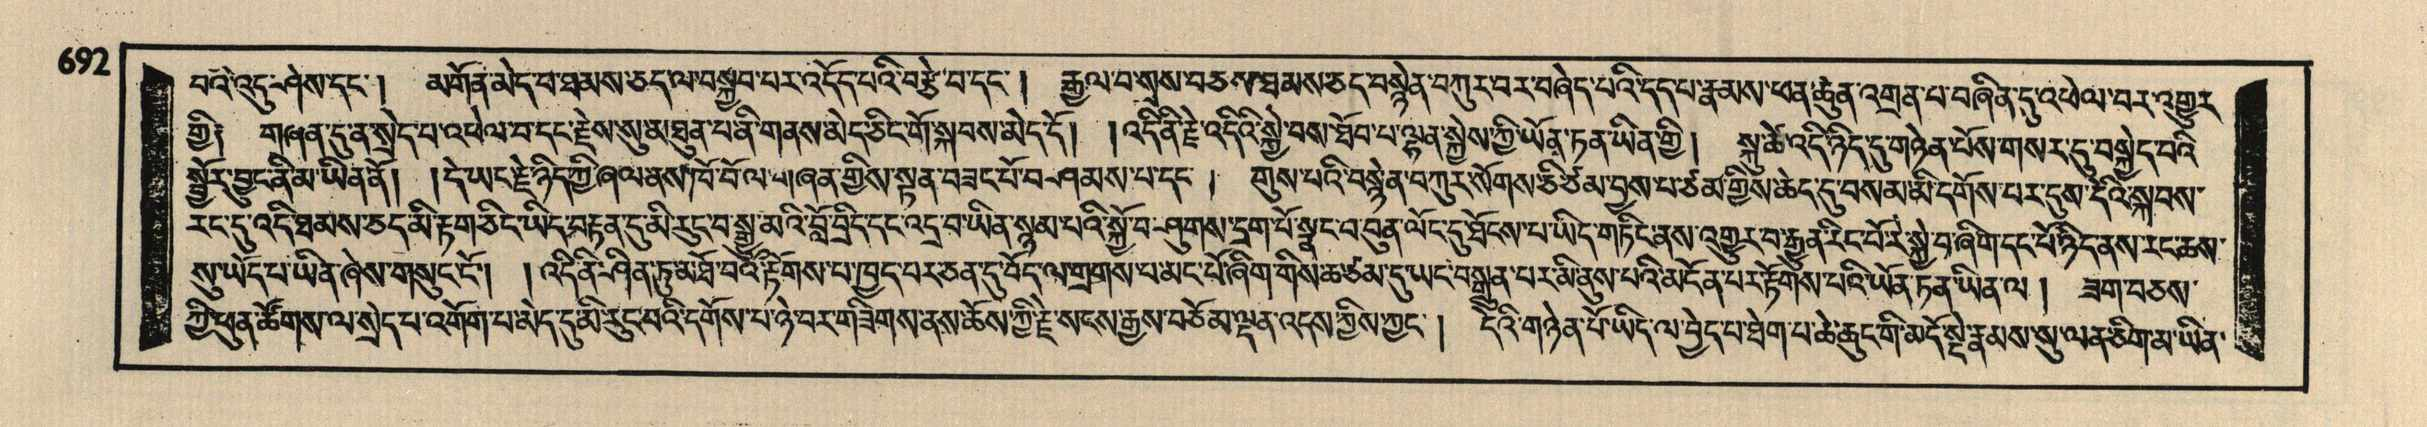བའི་འདུ་ཤེས་དང་། མགོན་མེད་བ་ཐམས་ཅད་ལ་བསྐྱབ་པར་འདོད་པའི་བརྩེ་བ་དང་། རྒྱལ་བ་སྲས་བཅས་ཐམས་ཅད་བསྙེན་བཀུར་བར་བཞེད་པའི་དད་པ་རྣམས་ཕན་ཚུན་འགྲན་པ་བཞིན་དུ་འཕེལ་བར་འགྱུར་
གྱི༑ གཞན་དུ་ན་སྲེད་པ་འཕེལ་བ་དང་རྗེས་སུ་མཐུན་པ་ནི་གནས་མེད་ཅིང་གོ་སྐབས་མེད་དོ། །འདི་ནི་རྗེ་འདིའི་སྐྱེ་བས་ཐོབ་པ་ལྷན་སྐྱེས་ཀྱི་ཡོན་ཏན་ཡིན་གྱི། སྐུ་ཚེ་འདི་ཉིད་དུ་གཉེན་པོས་གསར་དུ་བསྐྱེད་པའི་
སྦྱོར་བྱུང་ནི་མ་ཡིན་ནོ། །དེ་ཡང་རྗེ་ཉིད་ཀྱི་ཞལ་ནས་ཁོ་བོ་ལ་གཞན་གྱིས་སྟན་བཟང་པོ་བཤམས་པ་དང་། གུས་པའི་བསྙེན་བཀུར་སོགས་ཅི་ཙམ་བྱས་པ་ཙམ་གྱིས་ཆེད་དུ་བསམ་མི་དགོས་པར་དུས་དེའི་སྐབས་
རང་དུ་འདི་ཐམས་ཅད་མི་རྟག་ཅིང་ཡིད་བརྟན་དུ་མི་རུང་བ་སྒྱུ་མའི་བློ་བྲིད་དང་འདྲ་བ་ཡིན་སྙམ་པའི་སྐྱོ་བ་ཤུགས་དྲག་པོ་སྣང་བ་བུན་ལོང་དུ་ཐོངས་པ་ཡིད་གཏིང་ནས་འགྱུར་བ་རྒྱུན་རིང་པོ་རེ་སྐྱེ་བ་ཞིག་དང་པོ་ཉིད་ནས་རང་ཆས་
སུ་ཡོད་པ་ཡིན་ཞེས་གསུང་ངོ། །འདི་ནི་ཤིན་ཏུ་མཐོ་བའི་རྟོགས་པ་ཁྱད་པར་ཅན་དུ་བོད་ལ་གྲགས་པ་མང་པོ་ཞིག་གིས་ཆ་ཙམ་དུ་ཡང་བསྒྲུན་པར་མི་ནུས་པའི་མངོན་པར་རྟོགས་པའི་ཡོན་ཏན་ཡིན་ལ། ཟག་བཅས་
ཀྱི་ཕུན་ཚོགས་ལ་སྲེད་པ་འགོག་པ་མེད་དུ་མི་རུང་བའི་དགོས་པ་ཉེ་བར་གཟིགས་ནས་ཆོས་ཀྱི་རྗེ་སངས་རྒྱས་བཅོམ་ལྡན་འདས་ཀྱིས་ཀྱང་། དེའི་གཉེན་པོ་ཡིད་ལ་བྱེད་པ་ཐེག་པ་ཆེ་ཆུང་གི་མདོ་སྡེ་རྣམས་སུ་ལན་ཅིག་མ་ཡིན་